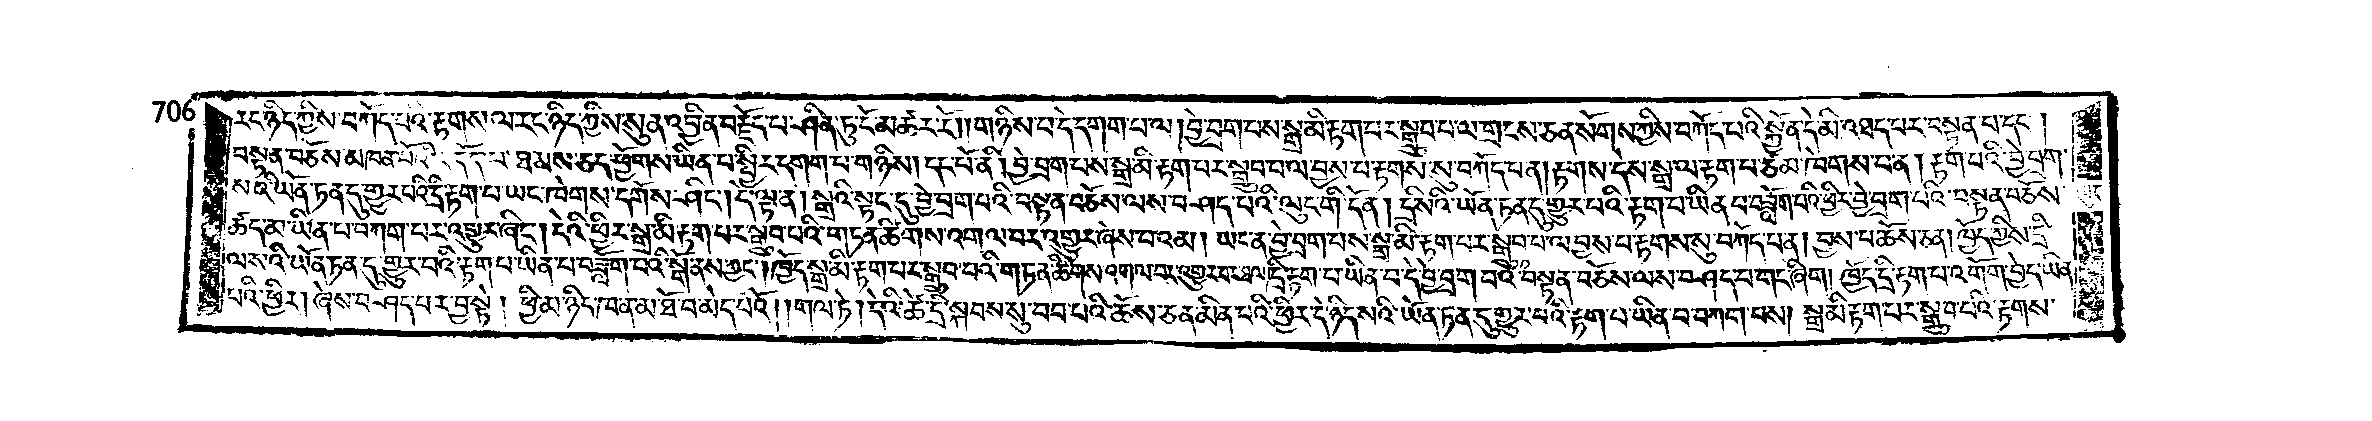རང་ཉིད་ཀྱིས་བཀོད་པའི་རྟགས་ལ་རང་ཉིད་ཀྱིས་སུན་འབྱིན་བརྗོད་པ་ཤིན་ཏུ་ངོ་མཚར་རོ། །གཉིས་པ་དེ་དགག་པ་ལ། བྱེ་བྲག་པས་སྒྲ་མི་རྟག་སྒྲུབ་པ་ལ་གྲངས་ཅན་སོགས་ཀྱིས་བཀོད་པའི་སྐྱོན་དེ་མི་འཐད་པར་བསྟན་པ་དང་།
བསྟན་བཅོས་མཁན་པོའི་འདོད་པ་ཐམས་ཅད་ཕྱོགས་ཡིན་པ་སྤྱིར་དགག་པ་གཉིས། དང་པོ་ནི། བྱེ་བྲག་པས་སྒྲ་མི་རྟག་པར་སྒྲུབ་པ་ལ་བྱས་པ་རྟགས་སུ་བཀོད་པ་ན། རྟགས་དེས་སྒྲ་ལ་རྟག་པ་ཙམ་ཁེགས་པ་ན། རྟག་པའི་བྱེ་བྲག་
སའི་ཡོན་ཏན་དུ་གྱུར་པའི་དྲི་རྟག་པ་ཡང་ཁེགས་དགོས་ཤིང་། དེ་ལྟ་ན། སྒྲའི་སྟེང་དུ་བྱེ་བྲག་པའི་བསྟན་བཅོས་ལས་བཤད་པའི་ལུང་གི་དོན། དྲི་སའི་ཡོན་ཏན་དུ་གྱུར་པའི་རྟག་པ་ཡིན་པ་བཟློག་པའི་ཕྱིར་བྱེ་བྲག་པའི་བསྟན་བཅོས་
ཚད་མ་ཡིན་པ་བཀག་པར་འགྱུར་ཞིང་། དེའི་ཕྱིར་སྒྲ་མི་རྟག་པར་སྒྲུབ་པའི་གཏན་ཚིགས་འགལ་བར་འགྱུར་ཞེས་པའམ། ཡང་ན་བྱེ་བྲག་པས་སྒྲ་མི་རྟག་པར་སྒྲུབ་པ་ལ་བྱས་པ་རྟགས་སུ་བཀོད་པ་ན། བྱས་པ་ཆོས་ཅན། ཁྱོད་ཀྱིས་དྲི་
ལ་སའི་ཡོན་ཏན་དུ་གྱུར་བའི་རྟག་པ་ཡིན་པ་བཟློག་པའི་སྒོ་ནས་ཀྱང་། ཁྱོད་སྒྲ་མི་རྟག་པར་སྒྲུབ་པའི་གཏན་ཚིགས་འགལ་བར་འགྱུར་བར་ཐལ། དྲི་རྟག་པ་ཡིན་པ་དེ་བྱེ་བྲག་པའི་བསྟན་བཅོས་ལས་བཤད་པ་གང་ཞིང་། ཁྱོད་དྲི་རྟག་པ་འགོག་བྱེད་ཡིན།
པའི་ཕྱིར། ཞེས་བཤད་པར་བྱ་སྟེ། ཕྱི་མ་ཉིད་ཁ་ན་མ་ཐོ་བ་མེད་པའོ། །གལ་ཏེ། དེའི་ཚེ་དྲི་སྐབས་སུ་བབ་པའི་ཆོས་ཅན་མིན་པའི་ཕྱིར་དེ་ཉིད་སའི་ཡོན་ཏན་དུ་གྱུར་པའི་རྟག་པ་ཡིན་པ་བཀག་པས། སྒྲ་མི་རྟག་པར་སྒྲུབ་པའི་རྟགས་